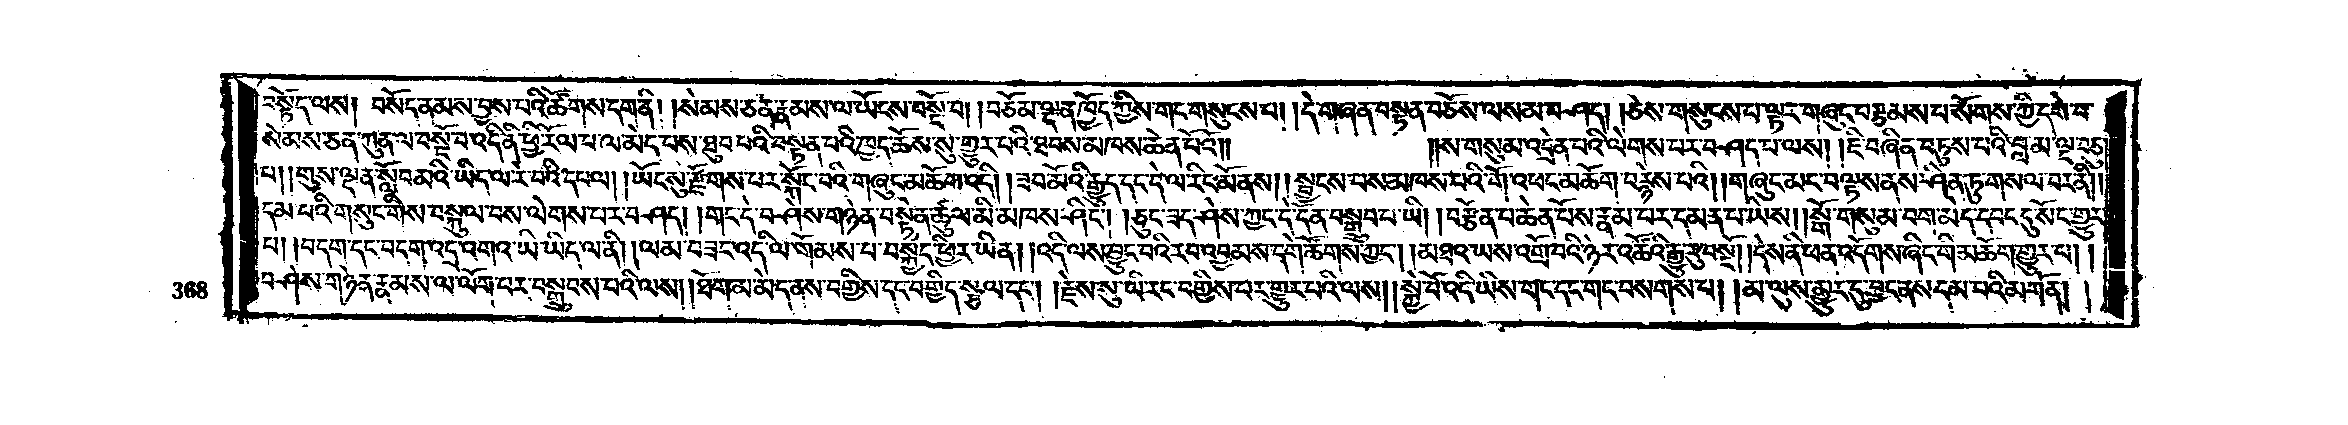བསྟོད་ལས། བསོད་ནམས་བྱས་པའི་ཚོགས་དག་ནི། །སེམས་ཅན་རྣམས་ལ་ཡོངས་བསྔོ་བ། །བཅོམ་ལྡན་ཁྱོད་ཀྱིས་གང་གསུངས་པ། །དེ་གཞན་བསྟན་བཅོས་ལས་མ་བཤད། །ཅེས་གསུངས་པ་ལྟར་གཞུང་བརྩམས་པ་སོགས་ཀྱི་དགེ་བ་
སེམས་ཅན་ཀུན་ལ་བསྔོ་བ་འདི་ནི་ཕྱི་རོལ་པ་ལ་མེད་པས་ཐུབ་པའི་བསྟན་པའི་ཁྱད་ཆོས་སུ་གྱུར་པའི་ཐབས་མཁས་ཆེན་པོའོ།། །།ས་གསུམ་འདྲེན་པའི་ལེགས་པར་བཤད་པ་ལས། །ཇི་བཞིན་བཏུས་པའི་བླ་མ་ལྔ་བཅུ་
པ། །གུས་ལྡན་སློབ་མའི་ཡིད་ལ་རེ་བའི་དཔལ། །ཡོངས་སུ་རྫོགས་པར་སྐོང་བའི་གཞུང་མཆོག་འདི། །ཟབ་མོའི་རྒྱུད་དང་དེ་ལ་རིང་མོ་ནས། །སྦྱངས་བས་མཁས་པའི་གོ་འཕང་མཆོག་བརྙེས་པའི། །གཞུང་མང་བལྟས་ནས་ཤིན་ཏུ་གསལ་བར་ནི།།
དམ་པའི་གསུང་གིས་བསྐུལ་བས་ལེགས་པར་བཤད། །གང་དེ་བཤེས་གཉེན་བསྟེན་ཚུལ་མི་མཁས་ཤིང་། །ཅུང་ཟད་ཤེས་ཀྱང་དེ་དོན་བསྒྲུབ་པ་ཡི། །བརྩོན་པ་ཆེན་པོས་རྣམ་པར་དམན་པ་ཡིས། །སྒོ་གསུམ་བག་མེད་དབང་དུ་སོང་གྱུར་
པ། །བདག་དང་བདག་འདྲ་འགའ་ཡི་ཡིད་ལ་ནི། །ལམ་བཟང་འདི་ལ་གོམས་པ་བསྐྱེད་ཕྱིར་ཡིན། །འདི་ལས་བྱུང་བའི་རབ་འབྱམས་དགེ་ཚོགས་ཀྱང་། །མཐའ་ཡས་འགྲོ་བའི་ཉེར་འཚོའི་རྒྱུ་རུ་བསྔོ། །དེས་ནི་ཕན་འདོགས་ཞིང་གི་མཆོག་གྱུར་པ། །
བཤེས་གཉེན་རྣམས་ལ་ལོག་པར་བསྒྲུབས་པའི་ལས། །ཐོག་མ་མེད་ནས་བགྱིས་དང་བགྱིད་སྩལ་དང་། རྗེས་སུ་ཡི་རང་བགྱིས་པར་གྱུར་པའི་ལས། །སྐྱེ་བོ་འདི་ཡིས་གང་དང་གང་བསགས་པ། །མ་ལུས་མྱུར་དུ་བྱང་ནས་དམ་པའི་མགོན། །